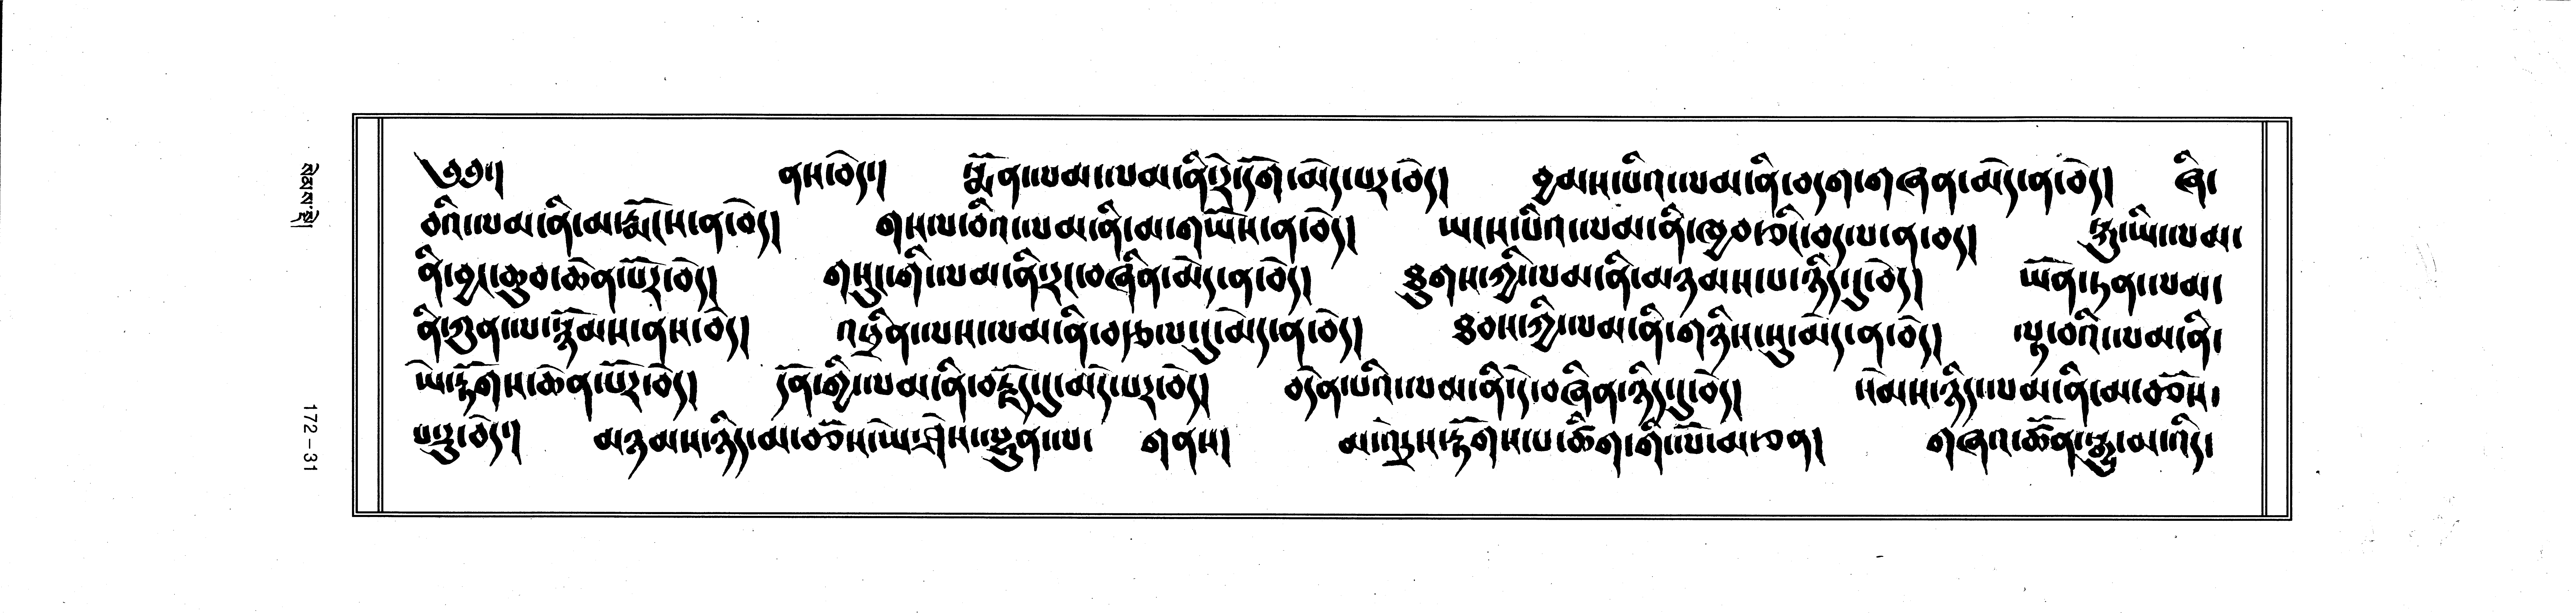ནས་བདེ། སྨོན་ལམ་ལམ་ནི་རེ་དོགས་མེད་པར་བདེ། བྱམས་པའི་ལམ་ནི་བདག་གཞན་མེད་ན་བདེ། ཞི་
བའི་ལམ་ནི་མ་རྨོངས་པ་ན་བདེ། གསལ་བའི་ལམ་ནི་མ་གཡོས་པ་ན་བདེ། ཡངས་པའི་ལམ་ནི་ཁྱབ་ཅིང་བདལ་ན་བདེ། སྐུ་ཡི་ལམ་
ནི་བྱང་ཆུབ་ཆེན་པོར་བདེ། གསུང་གི་ལམ་ནི་རང་བཞིན་མེད་ན་བདེ། ཐུགས་ཀྱི་ལམ་ནི་མཉམས་པ་ཉིད་དུ་བདེ། ཡོན་ཏན་ལམ་
ནི་ཀུན་ལ་སྙོམས་ན་བདེ། འཕྲིན་ལས་ལམ་ན་བརྩལ་དུ་མེད་ན་བདེ། ཐབས་ཀྱི་ལམ་ནི་གཉིས་སུ་མེད་ན་བདེ། ལྟ་བའི་ལམ་ནི་
ཡེ་རྟོགས་ཆེན་པོར་བདེ། དོན་གྱི་ལམ་ནི་བརྗོད་དུ་མེད་པར་བདེ། བདེན་པའི་ལམ་ནི་དེ་བཞིན་ཉིད་དུ་བདེ། སེམས་ཉིད་ལམ་ནི་མ་བཅོས་
པ་རུ་བདེ། མཉམས་ཉིད་མ་བཅོས་ཡེ་ཤེས་ལྷུན་ལ་གནས། མ་འདྲེས་རྟོགས་པ་ཚིག་གི་ལོ་མ་ཅན། གཞའ་ཚོན་སྒྱུ་མ་འདི་